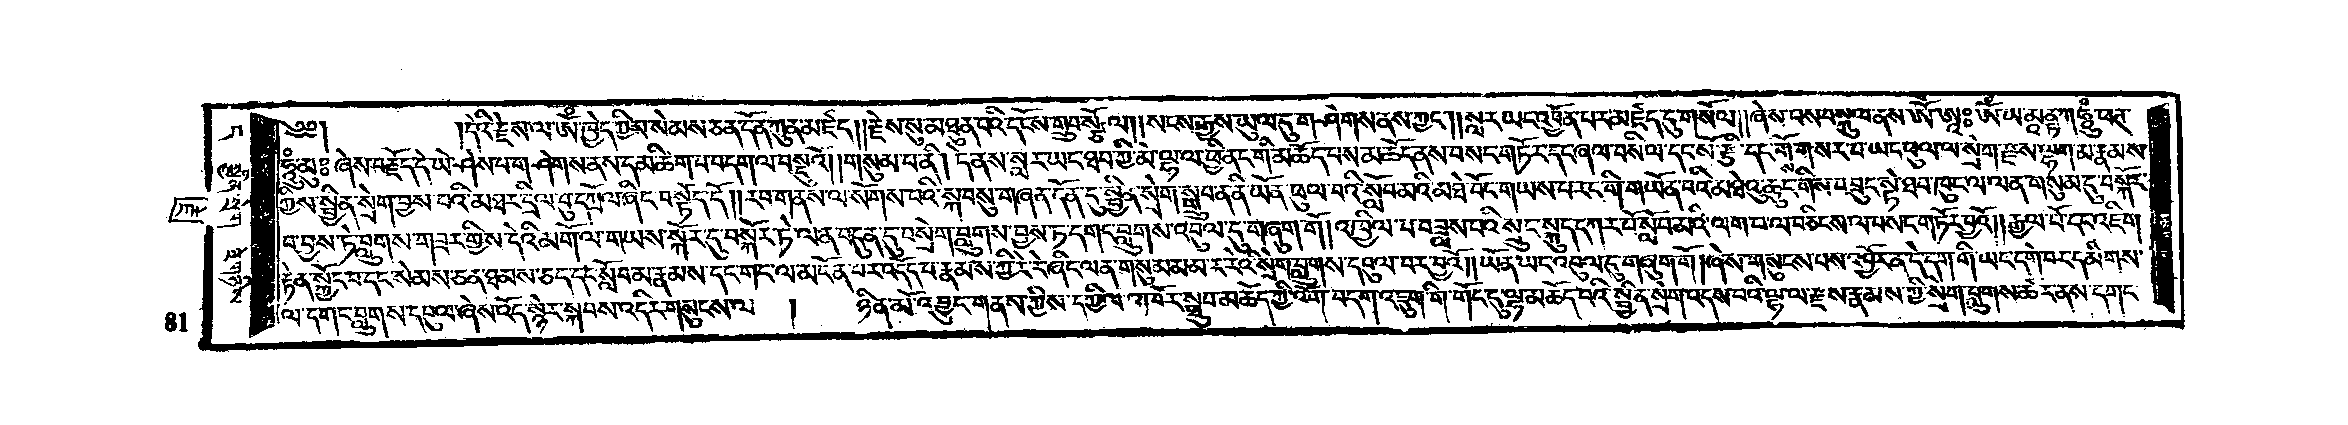༄༅། །དེའི་རྗེས་ལ་ཨོཾ་ཁྱེད་ཀྱིས་སེམས་ཅན་དོན་ཀུན་མཛད། །རྗེས་སུ་མཐུན་པའི་དངོས་གྲུབ་སྩོལ། །སངས་རྒྱས་ཡུལ་དུ་གཤེགས་ནས་ཀྱང་། །སླར་ཡང་འབྱོན་པར་མཛད་དུ་གསོལ། །ཞེས་བས་བསྐུལ་ནས་ཨོཾ་ཨཱཿ ཨོཾ་ཡ་མཱནྟ་ཀ་ཧཱུཾ་ཕཊ་
ཧཱུཾ་མུཿ ཞེས་བརྗོད་དེ་ཡེ་ཤེས་པ་གཤེགས་ནས་དམ་ཚིག་པ་བདག་ལ་བསྡུའོ། །གསུམ་པ་ནི། དེ་ནས་སླར་ཡང་ཐབ་ཀྱི་མེ་ལྷ་ལ་ཕྱི་ནང་གི་མཆོད་པས་མཆོད་ནས་བསང་གཏོར་དང་ཞལ་བསིལ་དང་སོ་རྩི་དང་གོས་གསར་པ་ཡང་ཕུལ་ལ་སྲེག་རྫས་ལྷག་མ་རྣམས་
ཀྱིས་སྦྱིན་སྲེག་བྱས་པའི་མཐར་དྲིལ་བུ་དཀྲོལ་ཞིང་བསྟོད་དོ། །རབ་གནས་ལ་སོགས་པའི་སྐབས་སུ་གཞན་དོན་དུ་སྦྱིན་སྲེག་སྒྲུབ་ན་ནི་ཡོན་ཕུལ་བའི་སློབ་མའི་མཐེ་བོང་གཡས་པ་རང་གི་གཡོན་པའི་མཐེའུ་ཆུང་གིས་བཟུང་སྟེ་ཐབ་ཁུང་ལ་ལན་གསུམ་དུ་བསྐོར་
བ་བྱས་ཏེ་བླུགས་གཟར་གྱིས་དེའི་མགོ་ལ་གཡས་སྐོར་དུ་བསྐོར་ཏེ་ལན་བདུན་དུ་བསྲེག་བླུགས་བྱས་ཏེ་དགང་བླུགས་འབུལ་དུ་གཞུག་གོ །འཁྱིལ་པ་བཟླས་པའི་སྲུང་སྐུད་དཀར་པོ་སློབ་མའི་ལག་པ་ལ་བཅིངས་ལ་བསང་གཏོར་བྱའོ། །རྒྱལ་པོ་དང་འཇིག་
རྟེན་སྐྱོང་བ་དང་སེམས་ཅན་ཐམས་ཅད་དང་སློབ་མ་རྣམས་དང་གང་ལ་མངོན་པར་འདོད་པ་རྣམས་ཀྱི་རེ་རེ་ཞིང་ལན་གསུམ་མམ་ར་རེའི་སྲེག་བླུགས་དབུལ་བར་བྱའོ། །ཡོན་ཡང་འབུལ་དུ་གཞུག་གོ །ཞེས་གསུངས་པས་འབྱོར་ན་དེ་དག་གི་ཡང་དགེ་བར་དམིགས་
ལ་དགང་བླུགས་དབུལ་ཞེས་འོད་སྙེར་སྐབས་འདིར་གསུངས་ལ། ཉིན་མོ་འབྱུང་གནས་ཀྱིས་དཀྱིལ་འཁོར་སྒྲུབ་མཆོད་ཀྱི་འོག་བདག་འཇུག་གི་གོང་དུ་ལྷ་མཆོད་པའི་སྦྱིན་སྲེག་འདས་པའི་ལྷ་ལ་རྫས་རྣམས་ཀྱི་སྲེག་བླུགས་ཚར་ནས་དགང་